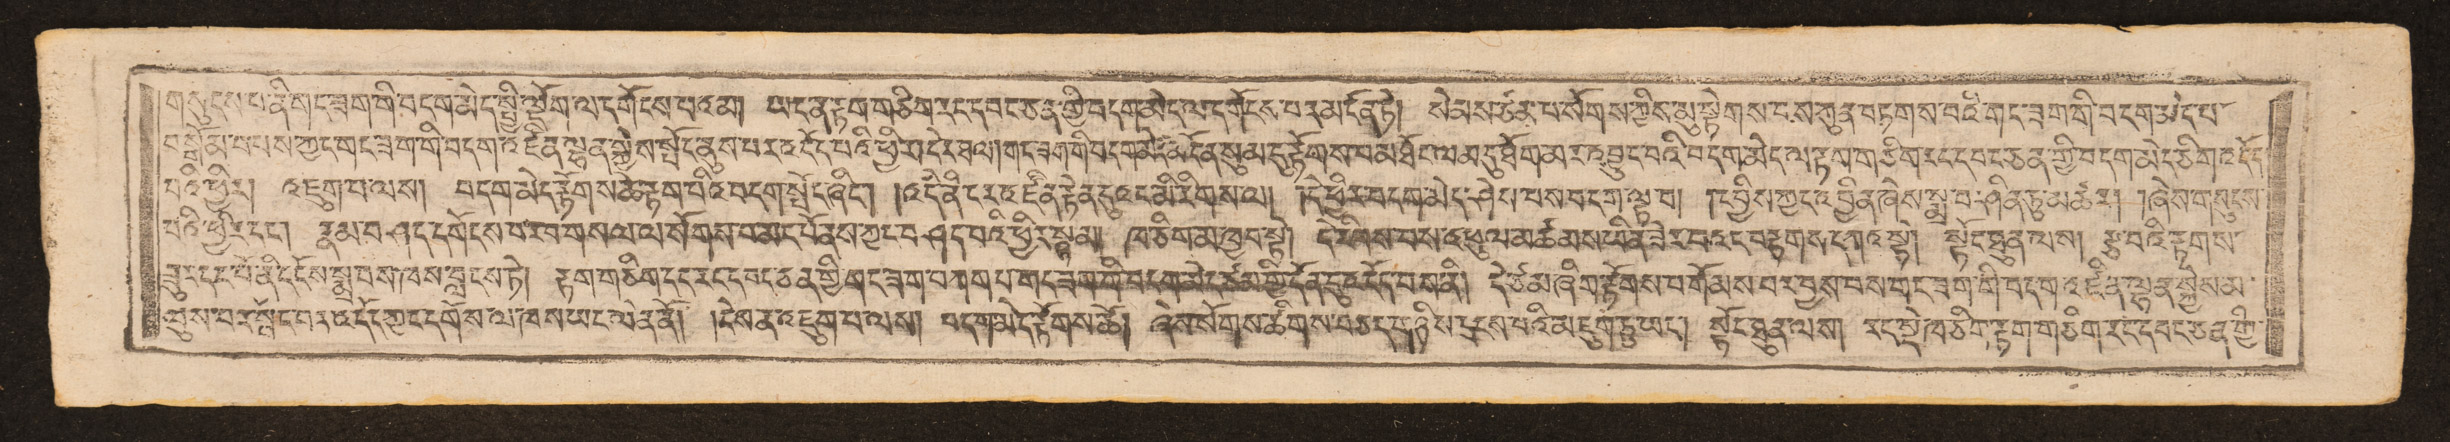གསུངས་པ་ནི་གང་ཟག་གི་བདག་མེད་སྤྱི་ལྡོག་ལ་དགོངས་པའམ། ཡང་ན་རྟག་གཅིག་རང་དབང་ཅན་གྱི་བདག་མེད་ལ་དགོངས་པར་མངོན་ཏེ། སེམས་ཙམ་པ་སོགས་ཀྱིས་མུ་སྟེགས་པས་ཀུན་བཏགས་པའི་གང་ཟག་གི་བདག་མེད་པ་
བསྒོམ་པ་བས་ཀྱང་གང་ཟག་གི་བདག་འཛིན་ལྷན་སྐྱེས་སྤོང་ནུས་པར་འདོད་པའི་ཕྱིར། དེར་ཐལ། གང་ཟག་གི་བདག་མེད་མངོན་སུམ་དུ་རྟོགས་པ་མཐོང་ལམ་དུ་ཐོག་མར་འབྱུང་བའི་བདག་མེད་ལ་རྟག་གཅིག་རང་དབང་ཅན་གྱི་བདག་མེད་ཅིག་འདོད་
པའི་ཕྱིར། འཇུག་པ་ལས། བདག་མེད་རྟོགས་ཚེ་རྟག་པའི་བདག་སྤོང་ཞིང་། །འདི་ནི་ངར་འཛིན་རྟེན་དུའང་མི་རིགས་ལ། །དེ་ཕྱིར་བདག་མེད་ཤེས་པས་བདག་ལྟ་བ། །དབྱིས་ཀྱང་འབྱིན་ཞེས་སྨྲ་བ་ཤིན་ཏུ་མཚར། །ཞེས་གསུངས་
པའི་ཕྱིར་དང་། རྣམ་བཤད་དགོངས་པ་རབ་གསལ་ལ་སོགས་པ་མང་པོ་ནས་ཀྱང་བཤད་པའི་ཕྱིར་སྙམ། ཁ་ཅིག་མ་ཁྱབ་སྟེ། དེ་རིགས་པས་འཕུལ་མཚམས་ཡིན་ཟེར་བའང་བརྟགས་དཀའ་སྟེ། སྟོང་ཐུན་ལས། རྩ་བའི་རྟགས་
ཟུར་དང་པོ་ནི་དངོས་སྨྲ་བས་ཁས་བླངས་ཏེ། རྟག་གཅིག་དང་རང་དབང་ཅན་གྱི་གང་ཟག་བཀག་པ་གང་ཟག་གི་བདག་མེད་ཙམ་གྱི་དོན་དུ་འདོད་པས་ནི། དེ་ཙམ་ཞིག་རྟོགས་པ་གོམས་པར་བྱས་པས་གང་ཟག་གི་བདག་འཛིན་ལྷན་སྐྱེས་མ་
ལུས་པར་སྤོང་བར་འདོད་ཀྱང་དགོས་ལ་ཁས་ཡང་ལན་ནོ། །དེས་ན་འཇུག་པ་ལས། བདག་མེད་རྟོགས་ཚེ། ཞེས་སོགས་ཚིགས་བཅད་གཉིས་དྲངས་པའི་མཇུག་ཏུ་ཡང་། སྟོང་ཐུན་ལས། རང་སྡེ་ཁ་ཅིག་རྟག་གཅིག་རང་དབང་ཅན་གྱི་